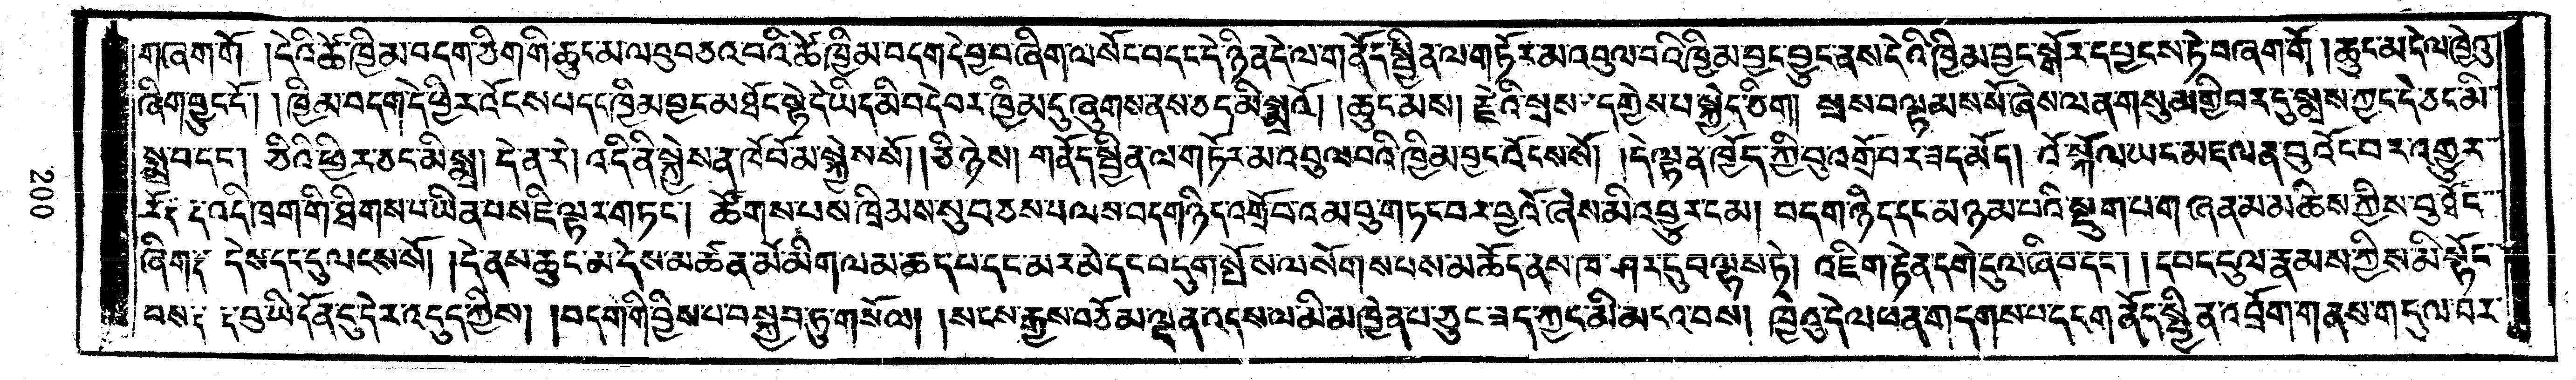གཞག་གོ །དེའི་ཚེ་ཁྱིམ་བདག་ཅིག་གི་ཆུང་མ་ལ་བུ་བཅའ་བའི་ཚེ་ཁྱིམ་བདག་དེ་བྱ་བ་ཞིག་ལ་སོང་བ་དང་དེ་ཉིན་དེ་ལ་གནོད་སྦྱིན་ལ་གཏོར་མ་འབུལ་བའི་ཁྱིམ་བྱང་བྱུང་ནས་དེའི་ཁྱིམ་བྱང་སྒོར་དབྱངས་ཏེ་བཞག་གོ །ཆུང་མ་དེ་ལ་ཁྱེའུ་
ཞིག་བྱུང་ངོ། །ཁྱིམ་བདག་དེ་ཕྱིར་འོངས་པ་དང་ཁྱིམ་བྱང་མཐོང་སྟེ་དེ་ཡིད་མི་བདེ་བར་ཁྱིམ་དུ་ཞུགས་ནས་ཅང་མི་སྨྲའོ། །ཆུང་མས། རྗེའི་སྲས་དགྱེས་པ་སྐྱེད་ཅིག། སྲས་བལྟམས་སོ་ཞེས་ལན་གསུམ་གྱི་བར་དུ་སྨྲས་ཀྱང་དེ་ཅང་མི་
སྨྲ་བ་དང་། ཅིའི་ཕྱིར་ཅང་མི་སྨྲ། དེ་ན་རེ། འདི་ནི་སྐྱེས་ན་ཁོ་བོ་མ་སྐྱེས་སོ། །ཅི་ཉེས། གནོད་སྦྱིན་ལ་གཏོར་མ་འབུལ་བའི་ཁྱིམ་བྱང་འོངས་སོ། །དེ་ལྟ་ན་ཁྱོད་ཀྱི་བུ་འགྲོ་བར་ཟད་མོད། འོ་སྐོལ་ཡང་མཇལ་ན་བུ་འོང་བར་འགྱུར་
རོ༑ ༑འདི་ཁྲག་གི་ཐིགས་པ་ཡིན་པས་ཇི་ལྟར་གཏང་། ཚོགས་པས་ཁྲིམས་སུ་བཅས་པ་ལས་བདག་ཉིད་འགྲོ་བའམ་བུ་གཏང་བར་བྱའོ་ཞེས་མི་འབྱུར་ངམ། བདག་ཉིད་དང་མཉམ་པའི་སྡུག་པ་གཞན་མ་མཆིས་ཀྱིས་བུ་ཐོང་
ཞིག༑ དེས་དང་དུ་ལངས་སོ། །དེ་ནས་ཆུང་མ་དེས་མཚན་མོ་མིག་ལམ་ཆད་པ་དང་མར་མེ་དང་འདུག་སྤོས་ལ་སོགས་པས་མཆོད་ནས་ཁ་ཤར་དུ་བལྟས་ཏེ། འཇིག་རྟེན་དགེ་དུལ་ཞི་བ་དང་། །དབང་དུལ་རྣམས་ཀྱིས་མི་སྟོང་
བས༑ ༑བུ་ཡི་དོན་དུ་དེར་འདུད་ཀྱིས། །བདག་གི་བྱིས་པ་བསྐྱབ་ཏུ་གསོལ། །སངས་རྒྱས་བཅོམ་ལྡན་འདས་ལ་མི་མཁྱེན་པ་ཅུང་ཟད་ཀྱང་མི་མངའ་བས། ཁྱེའུ་དེ་ལ་ཕན་གདགས་པ་དང་གནོད་སྦྱིན་འབྲོག་གནས་གདུལ་བར་